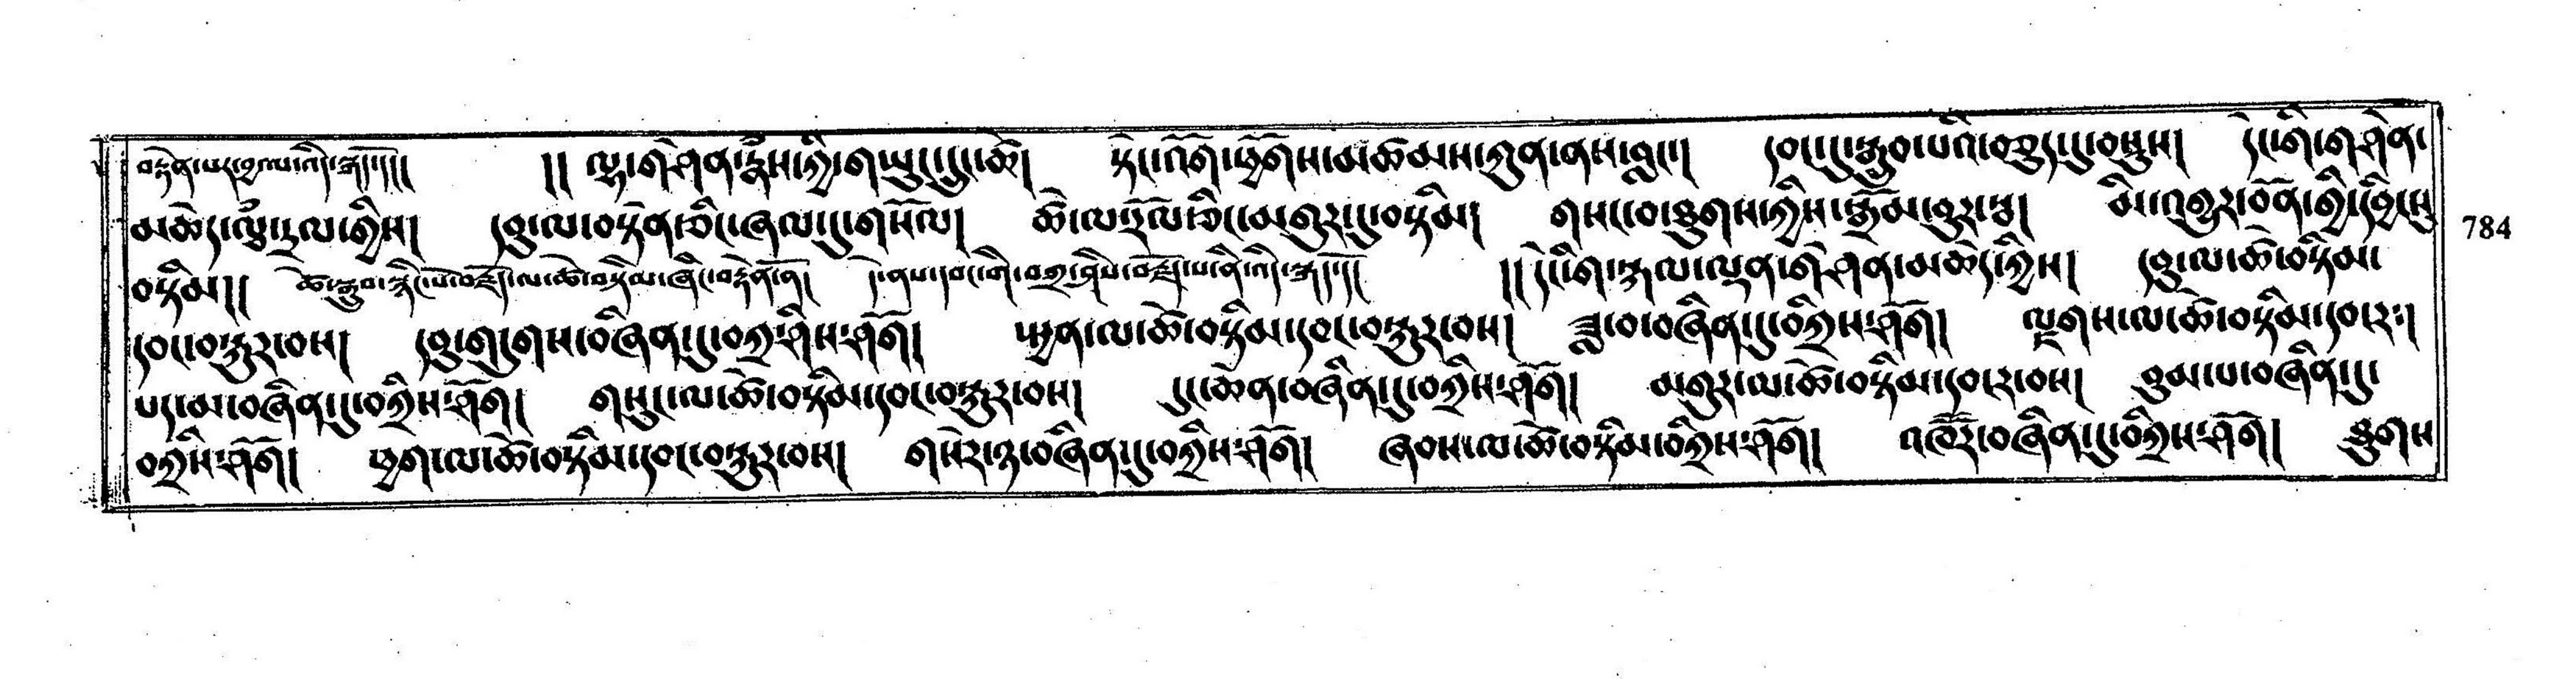བྱ་ལ་འདི་སྐད་དོ།། །།ལྷ་གཤེན་རྣམས་ཀྱི་གཡུང་དྲུང་ཚེ། སྟེང་འོག་ཕྱོགས་མཚམས་ཀུན་ནས་བླང་། དབང་དུ་སྒྲུབ་པའི་བཅུད་དུ་བསྡུས། དེང་གི་གཤེན་
མཆེད་ལྕམ་དྲལ་གྱིས། དབུ་ལ་བསྟེན་ཅིང་ཞལ་དུ་གསོལ། ཚེ་ལ་རོལ་ཅིང་མགུར་དུ་བསྟིམ། གསང་བ་ཐུགས་ཀྱིས་སྒྲོམ་བུར་སྦ། མི་འགྱུར་བོན་གྱི་དབྱིངས་སུ་
བསྟིམ།། ཚེ་སྒྲུབ་སྙིང་པོ་བརྗོད་ལ་ཚེ་བསྟིམ་ཞིང་བརྟེན་ནོ། དེ་ནས་དབང་གི་བཀྲ་ཤིས་བརྗོད་པ་ནི་འདི་སྐད་དོ། །།དེང་གི་སྐལ་ལྡན་གཤེན་མཆེད་ཀྱིས། དབུ་ལ་ཚེ་བསྟིམ་
དབང་བསྐུར་བས། དབུ་གདུགས་བཞིན་དུ་བཀྲ་ཤིས་ཤོག སྤྱན་ལ་ཚེ་བསྟིམ་དབང་བསྐུར་བས། ཟླ་བ་བཞིན་དུ་བཀྲ་ཤིས་ཤོག ལྗགས་ལ་ཚེ་བསྟིམ་དབང་བསྐུར༴། 
པད་མ་བཞིན་དུ་བཀྲ་ཤིས་ཤོག གསུང་ལ་ཚེ་བསྟིམ་དབང་བསྐུར་བས། དུང་ཆེན་བཞིན་དུ་བཀྲ་ཤིས་ཤོག མགུར་ལ་ཚེ་བསྟིམ་དབང་བཀུར་བས། བུམ་པ་བཞིན་དུ་
བཀྲ་ཤིས་ཤོག ཕྱག་ལ་ཚེ་བསྟིམ་དབང་བསྐུར་བས། གསེར་ཉ་བཞིན་དུ་བཀྲ་ཤིས་ཤོག ཞབས་ལ་ཚེ་བསྟིམ་བཀྲ་ཤིས་ཤོག འཁོར་ལོ་བཞིན་དུ་བཀྲ་ཤིས་ཤོག ཐུགས་